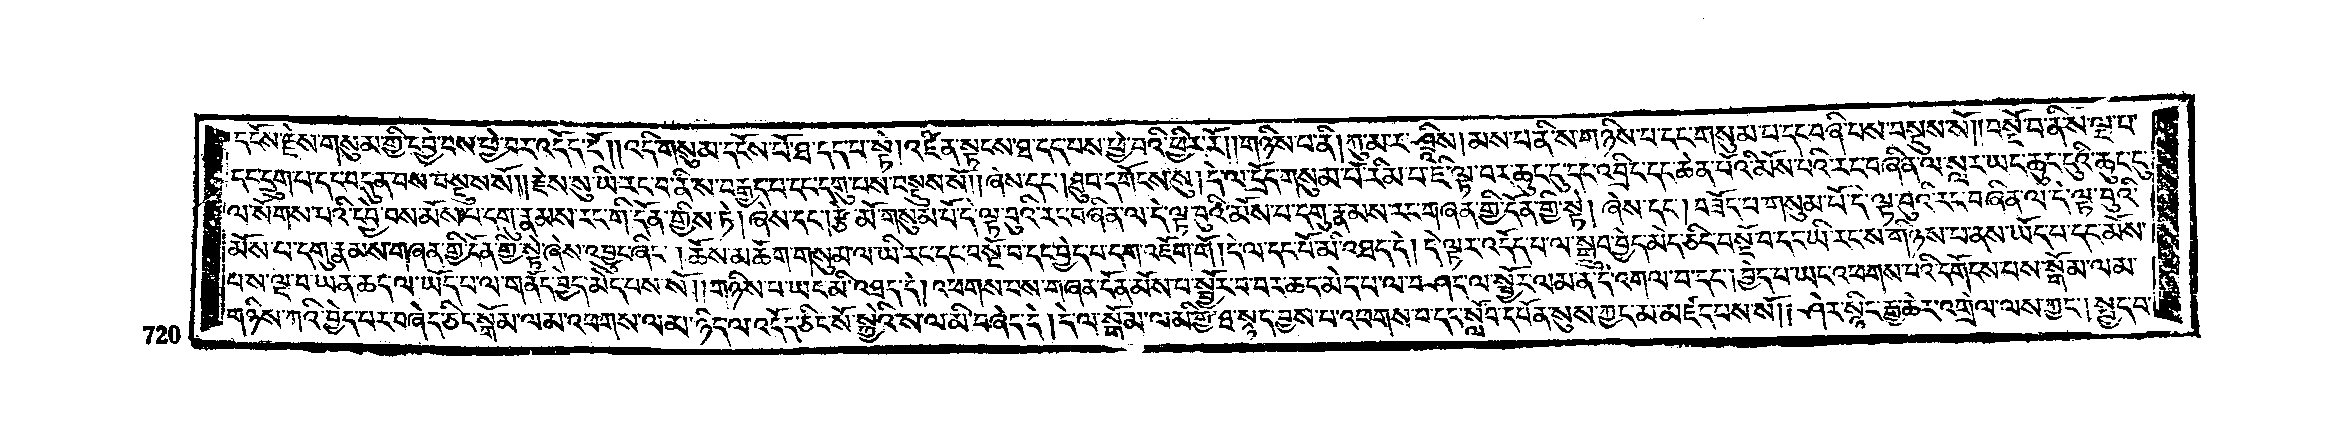དངོས་རྗེས་གསུམ་གྱི་དབྱེ་བས་ཕྱེ་བར་འདོད་དོ། །འདི་གསུམ་དངོས་པོ་ཐ་དད་པ་སྟེ། འཛིན་སྟངས་ཐ་དད་པས་ཕྱེ་བའི་ཕྱིར་རོ། །གཉིས་པ་ནི། ཀུ་མ་ར་ཤྲཱིས། མོས་པ་ནི་ས་གཉིས་པ་དང་གསུམ་པ་དང་བཞི་པས་བསྡུས་སོ། །བསྔོ་བ་ནི་ས་ལྔ་པ་
དང་དྲུག་པ་དང་བདུན་པས་བསྡུས་སོ། །རྗེས་སུ་ཡི་རང་བ་ནི་ས་བརྒྱད་པ་དང་དགུ་པས་བསྡུས་སོ། །ཞེས་དང་། ཐུབ་དགོངས་སུ། དེ་ལ་དྲོད་གསུམ་པོ་རིམ་པ་ཇི་ལྟ་བར་ཆུང་ངུ་དང་འབྲིང་དང་ཆེན་པོའི་མོས་པའི་རང་བཞིན་ལ་སླར་ཡང་ཆུང་ངུའི་ཆུང་ངུ་
ལ་སོགས་པའི་དབྱེ་བས་མོས་པ་དགུ་རྣམས་རང་གི་དོན་གྱིས་ཏེ། ཞེས་དང་། རྩེ་མོ་གསུམ་པོ་དེ་ལྟ་བུའི་རང་བཞིན་ལ་དེ་ལྟ་བུའི་མོས་པ་དགུ་རྣམས་རང་གཞན་གྱི་དོན་གྱི་སྟེ། ཞེས་དང་། བཟོད་པ་གསུམ་པོ་དེ་ལྟ་བུའི་རང་བཞིན་ལ་དེ་ལྟ་བུའི་
མོས་པ་དགུ་རྣམས་གཞན་གྱི་དོན་གྱི་སྟེ་ཞེས་འབྱུང་ཞིང་། ཆོས་མཆོག་གསུམ་ལ་ཡི་རང་དང་བསྔོ་བ་དང་བྱེད་པ་དག་འཇོག་གོ །དེ་ལ་དང་པོ་མི་འཐད་དེ། དེ་ལྟར་འདོད་པ་ལ་སྒྲུབ་བྱེད་མེད་ཅིང་བསྔོ་བ་དང་ཡི་རང་ས་གཉིས་པ་ནས་ཡོད་པ་དང་མོས་
པས་ལྔ་པ་ཡན་ཆད་ལ་ཡོད་པ་ལ་གནོད་བྱེད་མེད་པས་སོ། །གཉིས་པ་ཡང་མི་འཐད་དེ། འཕགས་པས་གཞན་དོན་མོས་པ་སྦྱོར་བ་བར་ཆད་མེད་པ་ལ་བཤད་ལ་སྦྱོར་ལམ་ན་དེ་འགལ་བ་དང་། བྱེད་པ་ཡང་འཕགས་པའི་དགོངས་པས་སྒོམ་ལམ་
གཉིས་ཀའི་བྱེད་པར་བཞེད་ཅིང་སྒོམ་ལམ་འཕགས་ལམ་ཉིད་ལ་འདོད་ཅིང་སོ་སྐྱེའི་ས་ལ་མི་བཞེད་དེ། དེ་ལ་སྒོམ་ལམ་གྱི་ཐ་སྙད་བྱས་པ་འཕགས་པ་དང་སློབ་དཔོན་སུས་ཀྱང་མ་མཛད་པས་སོ། །ཤེར་སྙིང་རྒྱ་ཆེར་འགྲེལ་ལས་ཀྱང་། སྤྱད་པ་